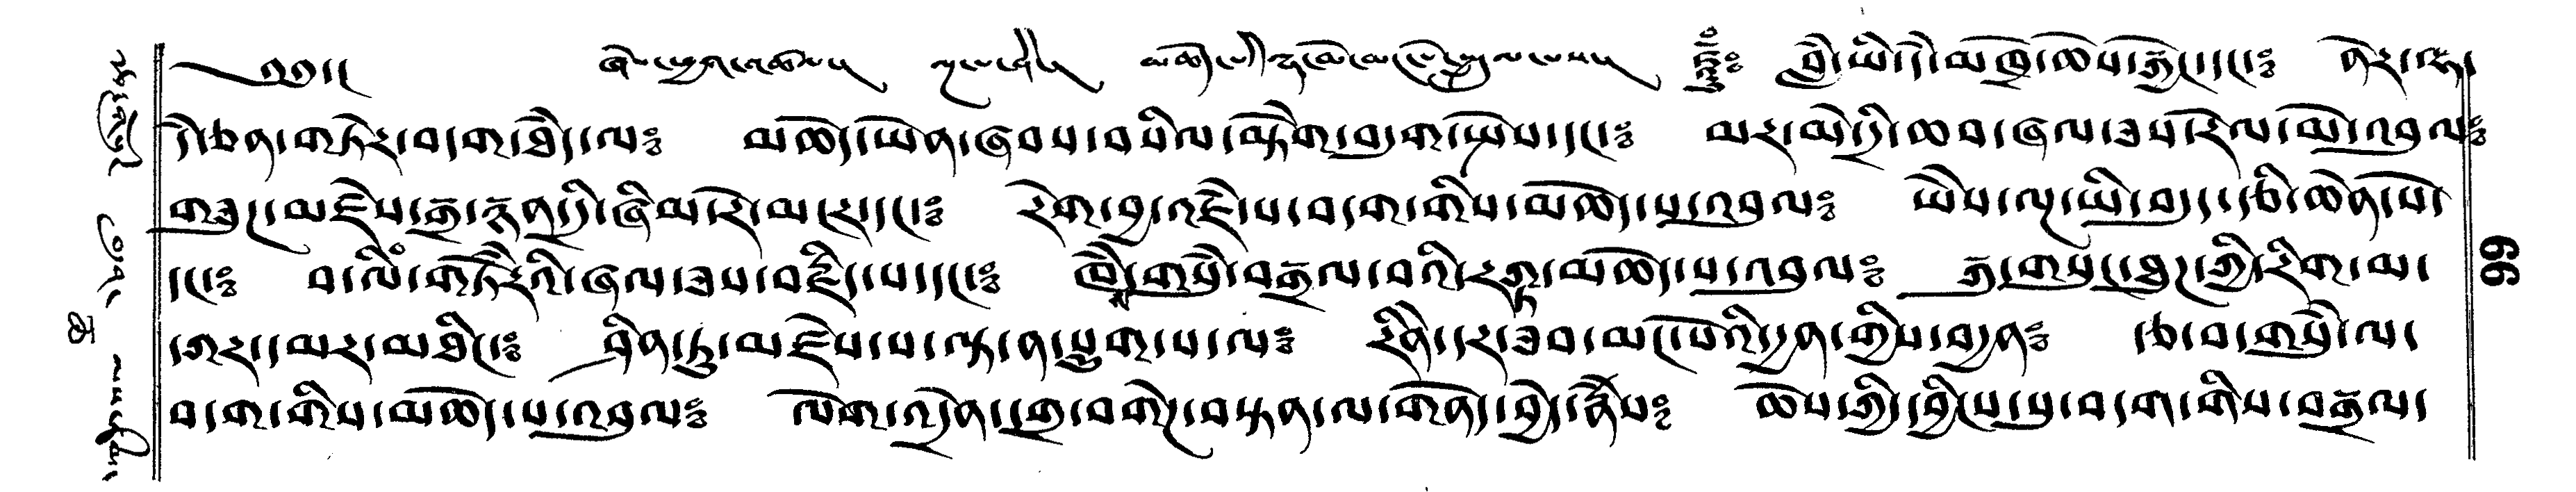ཞེས་ཕྱག་འཚལ། ལྔ་པ་ནི། མཆོད་པའི་ལྷ་མོ་མང་པོ་སྤྲུལ་པས། ཧཱུྃཿ བླ་མ་ཡི་དམ་མཁའ་འགྲོ་ཆོས་སྐྱོང་དང༔ ནོར་ལྷ་
དམ་ཅན་གཏེར་བདག་ཐམས་ཅད་ལ༔ མཆོད་ཡོན་ཞབས་བསིལ་མེ་ཏོག་བདུག་སྤོས་དང༔ མར་མེ་དྲི་ཆབ་ཞལ་ཟས་རོལ་མོ་འབུལ༔ 
གཟུགས་མཛེས་སྒྲ་སྙན་དྲི་ཞིམ་རོ་མངར་དང༔ རེག་བྱ་འཇམ་པ་བདག་གིས་མཆོད་པ་འབུལ༔ ཡེ་ཤེས་ལྔ་ཡི་བདུད་རྩི་ཆེན་པོ་
དང༔ བ་ལིཾ་གཏོར་མའི་ཞལ་ཟས་བརྗིད་པ་དང༔ ཁམས་གསུམ་བསྒྲལ་བའི་རཀྟ་མཆོད་པ་འབུལ༔ སྐུ་གསུང་ཐུགས་ཀྱི་རིག་མ་
དཀར་དམར་མཐིང༔ ཤིན་ཏུ་མཛེས་པ་ལྟ་ན་སྡུག་པ་ལ༔ རིན་ཆེན་དར་ཟབ་མང་པོའི་རྒྱན་གྱིས་བརྒྱན༔རྩ་བ་གསུམ་ལ་
བདག་གིས་མཆོད་པ་འབུལ༔ ལོག་འདྲེན་དགྲ་བགེགས་བསྟན་ལ་གནོད་བྱེད་རྣམས༔ ཆོས་ཀྱི་དབྱིངས་སུ་བདག་གིས་བསྒྲལ་